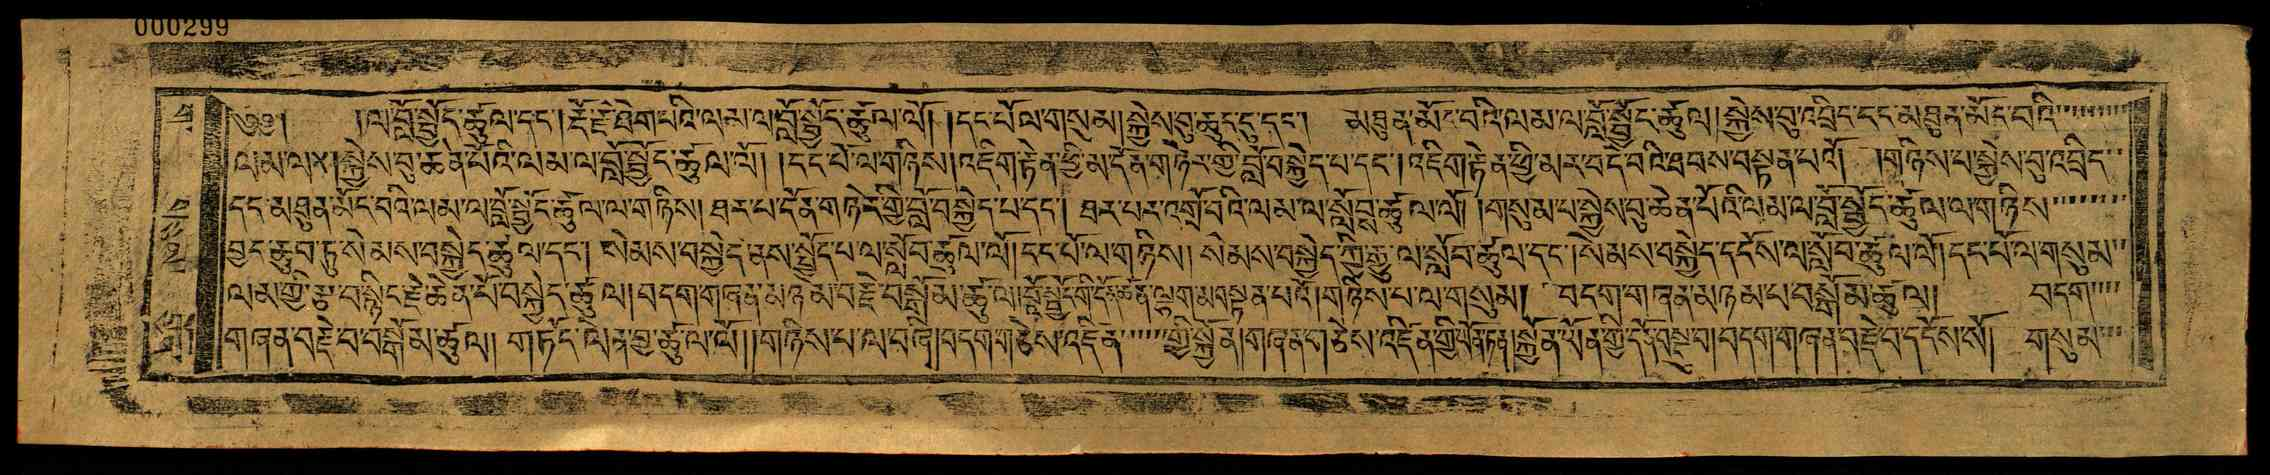༄༅། །ལ་བློ་སྦྱོང་ཚུལ་དང་། རྡོ་རྗེ་ཐེག་པའི་ལམ་ལ་བློ་སྦྱོང་ཚུལ་ལོ། །དང་པོ་ལ་གསུམ། སྐྱེས་བུ་ཆུང་དུ་དང་མཐུན་མོང་བའི་ལམ་ལ་བློ་སྦྱོང་ཚུལ། སྐྱེས་བུ་འབྲིང་དང་མཐུན་མོང་བའི་
ལམ་ལ་྾། སྐྱེས་བུ་ཆེན་པོའི་ལམ་ལ་བློ་སྦྱོང་ཚུལ་ལོ། །དང་པོ་ལ་གཉིས། འཇིག་རྟེན་ཕྱི་མ་དོན་གཉེར་གྱི་བློ་བསྐྱེད་པ་དང་། འཇིག་རྟེན་ཕྱི་མར་བདེ་བའི་ཐབས་བསྟན་པའོ། །གཉིས་པ་སྐྱེས་བུ་འབྲིང་
དང་མཐུན་མོང་བའི་ལམ་ལ་བློ་སྦྱོང་ཚུལ་ལ་གཉིས། ཐར་པ་དོན་གཉེར་གྱི་བློ་བསྐྱེད་པ་དང་། ཐར་པར་འགྲོ་བའི་ལམ་ལ་སློབས་ཚུལ་ལོ། །གསུམ་པ་སྐྱེས་བུ་ཆེན་པོའི་ལམ་ལ་བློ་སྦྱོང་ཚུལ་ལ་གཉིས།
བྱང་ཆུབ་ཏུ་སེམས་བསྐྱེད་ཚུལ་དང་། སེམས་བསྐྱེད་ནས་སྤྱོད་པ་ལ་སློབ་ཚུལ་ལོ། །དང་པོ་ལ་གཉིས། སེམས་བསྐྱེད་ཀྱི་རྒྱུ་ལ་སློབ་ཚུལ་དང་། སེམས་བསྐྱེད་དངོས་ལ་སློབ་ཚུལ་ལོ། །དང་པོ་ལ་གསུཾ་
ལམ་གྱི་རྩ་བ་སྙིང་རྗེ་ཆེན་པོ་བསྐྱེད་ཚུལ། བདག་གཞན་མཉམ་བརྗེ་བསྒོམ་ཚུལ། བློ་སྦྱོང་གི་དོན་ཚན་ལྷག་མ་བསྟན་པའོ། གཉིས་པ་ལ་གསུམ། བདག་གཞན་མཉམ་པ་བསྒོམ་ཚུལ། བདག་
གཞན་བརྗེ་བ་བསྒོམ་ཚུལ། གཏོང་ལེན་བྱ་ཚུལ་ལོ། །གཉིས་པ་ལ་བཞི། བདག་གཅེས་འཛིན་གྱི་སྐྱོན། གཞན་གཅེས་འཛིན་གྱི་ཡོན་ཏན། སྐྱོན་ཡོན་གྱི་དོན་བསྡུ་བ། བདག་གཞན་བརྗེ་བ་དངོས་སོ། །གསུམ་